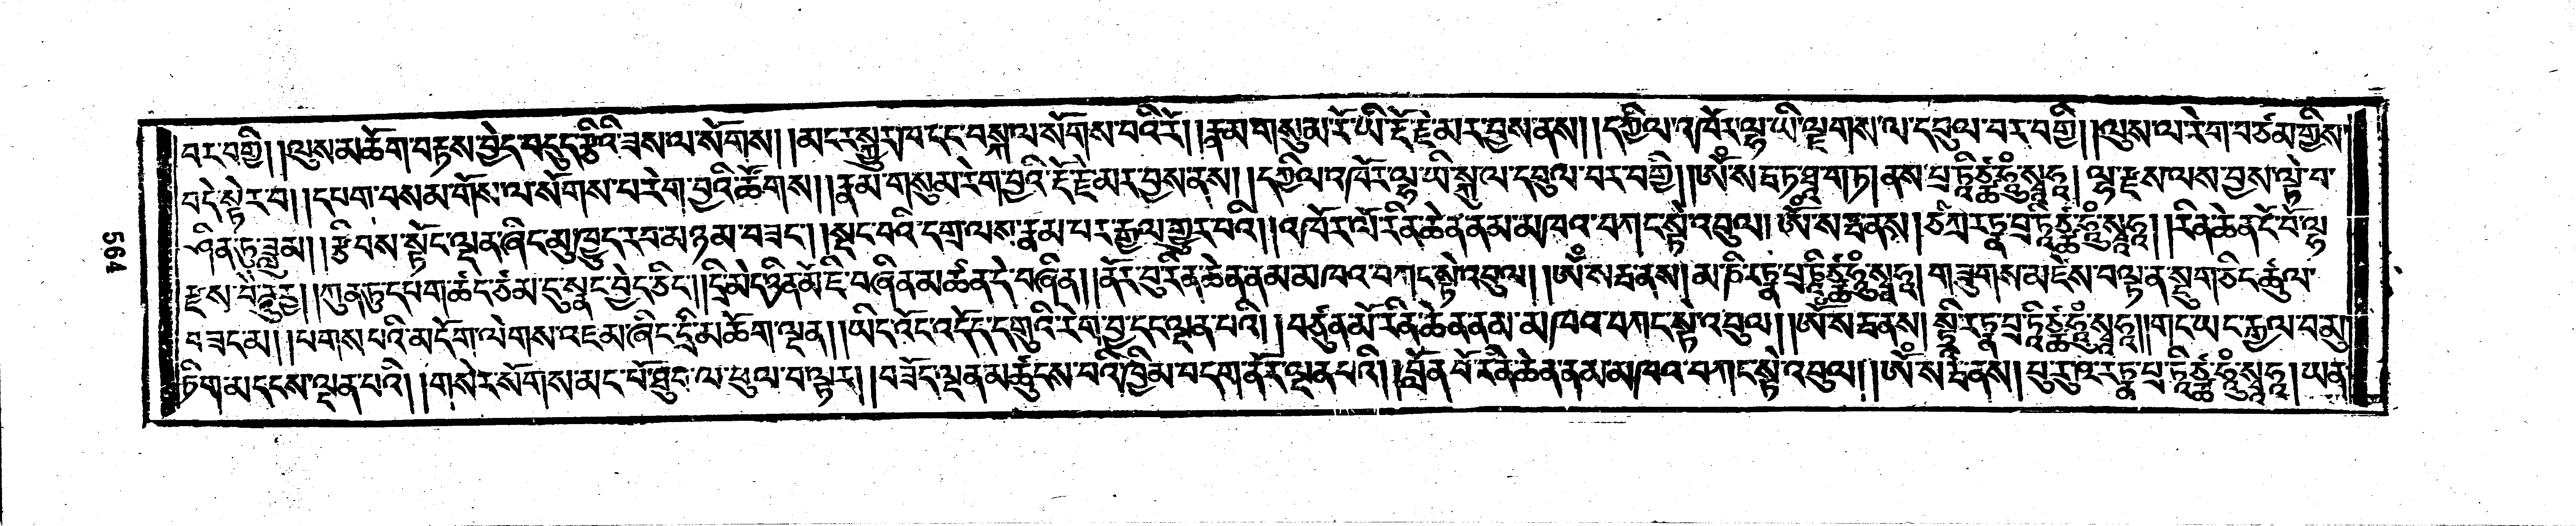བར་བགྱི། །ལུས་མཆོག་བརྟས་བྱེད་བདུད་རྩིའི་ཟས་ལ་སོགས། །མངར་སྐྱུར་ཁ་དང་བསྐ་ལ་སོགས་པའི་རོ། །རྣམ་གསུམ་རོ་ཡི་རྡོ་རྗེ་མར་བྱས་ནས། །དཀྱིལ་འཁོར་ལྷ་ཡི་ལྗགས་ལ་དབུལ་བར་བགྱི། །ལུས་ལ་རེག་པ་ཙམ་གྱིས་
བདེ་སྟེར་བ། །དཔག་བསམ་གོས་ལ་སོགས་པ་རེག་བྱའི་ཚོགས། །རྣམ་གསུམ་རེག་བྱའི་རྡོ་རྗེ་མར་བྱས་ནས། །དཀྱིལ་འཁོར་ལྷ་ཡི་སྐུ་ལ་དབུལ་བར་བགྱི། །ཨོཾ་སརྦ་ཏ་ཐཱ་ག་ཏ། ནས་པྲ་ཏཱིཙྪ་ཧཱུཾ་སྭཱཧཱ། ལྷ་རྫས་ལས་བྱས་ལྟེ་བ་
ཤིན་ཏུ་ཟླུམ། །རྩིབས་སྟོང་ལྡན་ཞིང་མུ་ཁྱུད་རབ་མཉམ་བཟང་། །སྡང་བའི་དགྲ་ལས་རྣམ་པར་རྒྱལ་གྱུར་པའི། །འཁོར་ལོ་རིན་ཆེན་ནམ་མཁའ་བཀང་སྟེ་འབུལ། ཨོཾ་སརྦ་ནས། ཙ་ཀྲ་རཏྣ་པྲ་ཏཱི་ཙྪ་ཧཱུཾ་སྭཱཧཱ། །རིན་ཆེན་ངོ་བོ་ལྷ་
རྫས་བཻཌཱུ་རྱ། །ཀུན་ཏུ་དཔག་ཚད་ཙམ་དུ་སྣང་བྱེད་ཅིང་། །དྲི་མེད་ཉིན་མོ་ཇི་བཞིན་མཚན་དེ་བཞིན། །ནོར་བུ་རིན་ཆེན་ནམ་མཁའ་བཀང་སྟེ་འབུལ། །ཨོཾ་སརྦ་ནས། མ་ཎི་རཏྣ་པྲ་ཏཱི་ཙྪ་ཧཱུཾ་སྭཱཧཱ། གཟུགས་མཛེས་བལྟ་ན་སྡུག་ཅིང་ཚུལ་
བཟང་མ། །པགས་པའི་མདོག་ལེགས་འཇམ་ཞིང་དྲི་མཆོག་ལྡན། །ཡིད་འོང་འདོད་དགུའི་རེག་བྱ་དང་ལྡན་པའི། །བཙུན་མོ་རིན་ཆེན་ནམ་མཁའ་བཀང་སྟེ་འབུལ། །ཨོཾ་སརྦ་ནས། སྟྲཱི་རཏྣ་པྲ་ཏཱི་ཙྪ་ཧཱུཾ་སྭཱཧཱ། །གང་ཡང་རྒྱལ་བ་མུ་
ཏིག་མདངས་ལྡན་པའི། །གསེར་སོགས་མང་པོ་ཐུབ་ལ་ཕུལ་བ་ལྟར། །བཟོད་ལྡན་མཚུངས་པའི་ཁྱིམ་བདག་ནོར་ལྡན་པའི། །བློན་པོ་རིན་ཆེན་ནམ་མཁའ་བཀང་སྟེ་འབུལ། །ཨོཾ་སརྦ་ནས། པུ་རུ་ཥ་རཏྣ་པྲ་ཏཱི་ཙྪ་ཧཱུཾ་སྭཱཧཱ། ཡན་